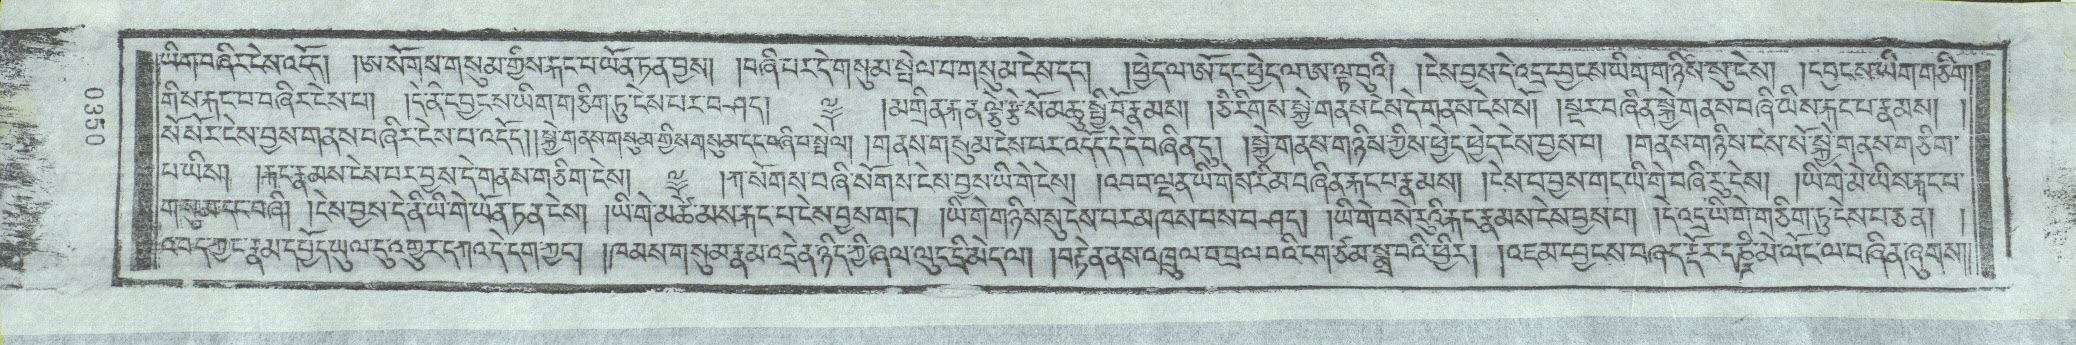ཡིག་བཞིར་ངེས་འདོད། །ཨ་སོགས་གསུམ་གྱིས་རྐང་པ་ཡོན་ཏན་བྱས། །བཞི་པར་དེ་གསུམ་སྤེལ་བ་གསུམ་ངེས་དང་། །ཕྱེད་ལ་ཨོ་དང་ཕྱེད་ལ་ཨ་ལྟ་བུའི། །ངེས་བྱས་དེ་འདྲ་དབྱངས་ཡིག་གཉིས་སུ་ངེས། །དབྱངས་ཡིག་གཅིག་
གིས་རྐང་པ་བཞིར་ངེས་པ། །དེ་ནི་དབྱངས་ཡིག་གཅིག་ཏུ་ངེས་པར་བཤད། ༈ །མགྲིན་རྐན་ལྕེ་རྩེ་སོ་མཆུ་སྤྱི་བོ་རྣམས། །ཅི་རིགས་སྐྱེ་གནས་ངེས་དེ་གནས་ངེས་སོ། །སྔར་བཞིན་སྐྱེ་གནས་བཞི་ཡིས་རྐང་པ་རྣམས། །
སོ་སོར་ངེས་བྱས་གནས་བཞིར་ངེས་པ་འདོད། །སྐྱེ་གནས་གསུམ་གྱིས་གསུམ་དང་བཞི་པ་སྤེལ། །གནས་གསུམ་ངེས་པར་འདོད་དེ་དེ་བཞིན། །སྐྱེ་གནས་གཉིས་ཀྱིས་ཕྱེད་ཕྱེད་ངེས་བྱས་པ། །གནས་གཉིས་ངེས་སོ་སྐྱེ་གནས་གཅིག་
པ་ཡིས། །རྐང་རྣམས་ངེས་པར་བྱས་དེ་གནས་གཅིག་ངེས། ༈ །ཀ་སོགས་བཞི་སོགས་ངེས་བྱས་ཡི་གེ་ངེས། །འབབ་ལྡན་ཡི་གེས་རིམ་བཞིན་རྐང་པ་རྣམས། །ངེས་པ་བྱས་གང་ཡི་གེ་བཞི་རུ་ངེས། །ཡི་གེ་མི་ཡིས་རྐང་པ་
གསུམ་དང་བཞི། །ངེས་བྱས་དེ་ནི་ཡི་གེ་ཡོན་ཏན་ངེས། །ཡི་གེ་མཚེམས་དང་པ་ངེས་བྱས་གང་། །ཡི་གེ་གཉིས་སུ་ངེས་པར་མཁས་པས་བཤད་།ཡི་གེ་བསེ་རུའི་རྐང་རྣམས་ངེས་བྱས་པ། །དེ་འདྲ་ཡི་གེ་གཅིག་ཏུ་ངེས་བཅན། །
འབད་ཀྱང་རྣམ་དཔྱོད་ཡུལ་དུ་འགྱུར་དཀའ་དེ་དག་ཀྱང་། །ཁམས་གསུམ་རྣམ་འདྲེན་ཉིད་ཀྱི་ཞལ་ལུང་དྲི་མེད་ལ། །བརྟེན་ནས་འཁྲུལ་བ་བྲལ་བའི་ངག་ཙམ་སྨྲ་བའི་ཕྱིར། །འཇམ་དབྱངས་བཞད་རྡོར་དཎྜི་མེ་ལོང་ལ་བཞིན་ཞུགས།